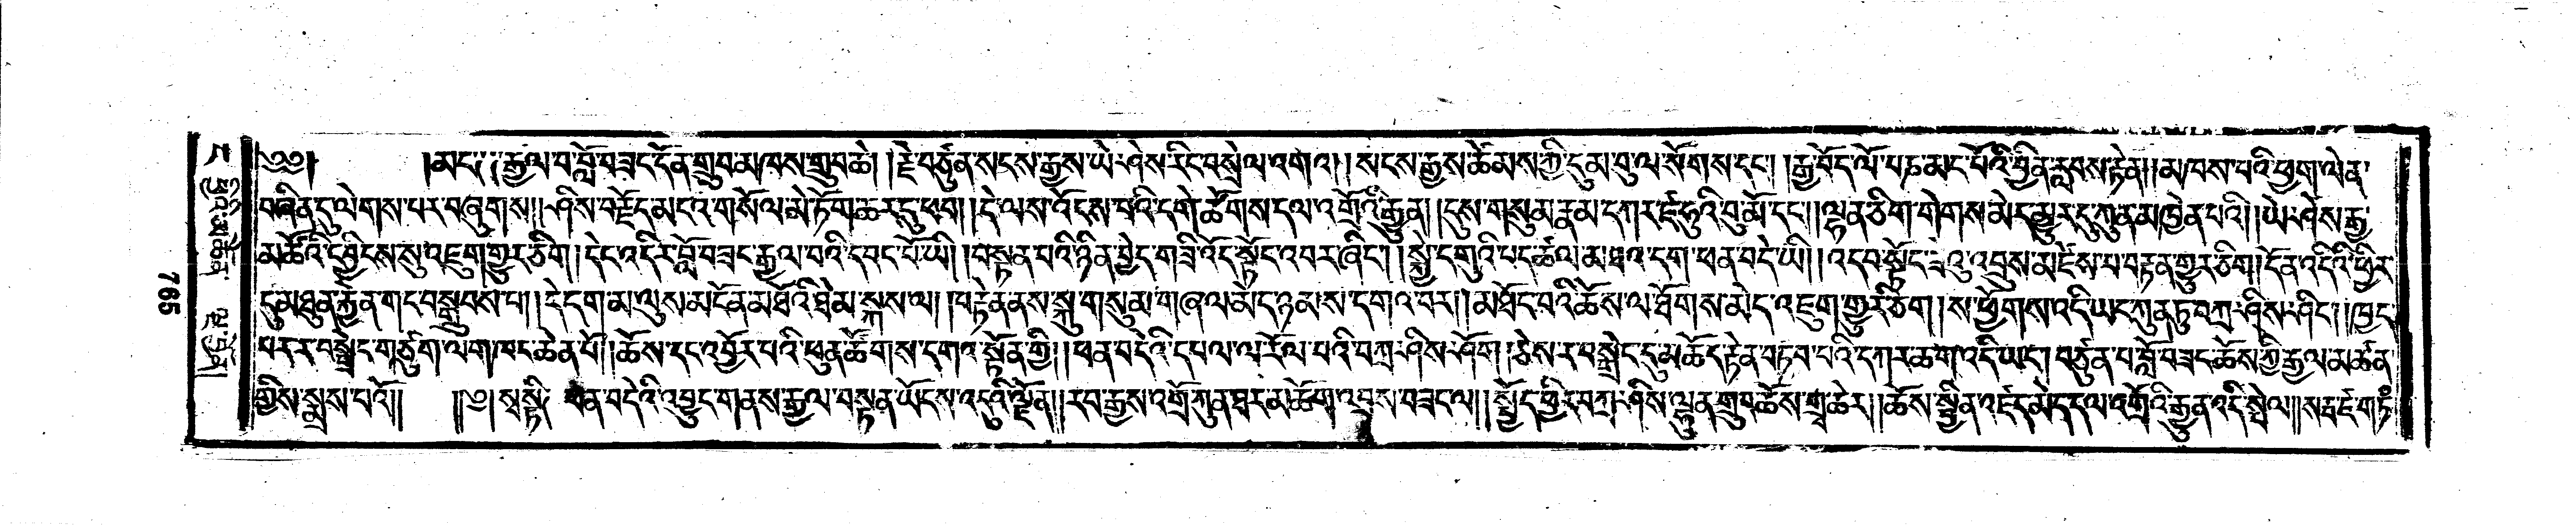༄༅། །མང༑ ༑རྒྱལ་བ་བློ་བཟང་དོན་གྲུབ་མཁས་གྲུབ་ཆེ། །རྗེ་བཙུན་སངས་རྒྱས་ཡེ་ཤེས་རིང་བསྲེལ་འགའ། །སངས་རྒྱས་ཚེམས་ཀྱི་དུམ་བུ་ལ་སོགས་དང་། །རྒྱ་བོད་ལོ་པཎ་མང་པོའི་བྱིན་བརླབས་རྟེན། །མཁས་པའི་ཕྱག་ལེན་
བཞིན་དུ་ལེགས་པར་བཞུགས། །ཤིས་བརྗོད་མངའ་གསོལ་མེ་ཏོག་ཆར་དུ་ཕབ། །དེ་ལས་འོངས་པའི་དགེ་ཚོགས་དལ་འགྲོའི་རྒྱུན། །དུས་གསུམ་རྣམ་དཀར་ཛ་ཧུའི་བུ་མོ་དང་། །ལྷན་ཅིག་གེགས་མེད་མྱུར་དུ་ཀུན་མཁྱེན་པའི། །ཡེ་ཤེས་རྒྱ་
མཚོའི་དབྱིངས་སུ་འཇུག་གྱུར་ཅིག །དེང་འདིར་བློ་བཟང་རྒྱལ་བའི་དབང་པོ་ཡི། །བསྟན་པའི་ཉིན་བྱེད་གཟི་འོད་སྟོང་འབར་ཞིང་། །སྐྱེ་དགུའི་པད་ཚལ་མཐའ་དག་ཕན་བདེ་ཡི། །འདབ་སྟོང་ཟེའུ་འབྲུས་མཛེས་པ་བརྟན་གྱུར་ཅིག །དོན་འདིའི་ཕྱིར་
དུ་མཐུན་རྐྱེན་གང་བསྒྲུབས་པ། །དེ་དག་མ་ལུས་མངོན་མཐོའི་ཐེམ་སྐས་ལ། །བརྟེན་ནས་སྐུ་གསུམ་གཞལ་མེད་ཉམས་དགའ་བར། །མཐོང་བའི་ཆོས་ལ་ཐོགས་མེད་འཇུག་གྱུར་ཅིག །ས་ཕྱོགས་འདི་ཡང་ཀུན་ཏུ་བཀྲ་ཤིས་ཤོག །ཁྱད་
པར་ར་བསྒྲེང་གཙུག་ལག་ཁང་ཆེན་པོ། །ཆོས་དང་འབྱོར་པའི་ཕུན་ཚོགས་དགའ་སྟོན་གྱི། །ཕན་བདེའི་དཔལ་ལ་རོལ་པའི་བཀྲ་ཤིས་ཤོག །ཅེས་ར་བསྒྲེང་དུ་མཆོད་རྟེན་བཏབ་པའི་དཀར་ཆག་འདི་ཡང་། བཙུན་པ་བློ་བཟང་ཆོས་ཀྱི་རྒྱལ་མཚན་
གྱིས་སྨྲས་པའོ།། །།༄༅། སྭསྟི༑ ཕན་བདེའི་འབྱུང་གནས་རྒྱལ་བསྟན་ཡོངས་འདུའི་ལྗོན། །རབ་རྒྱས་འགྲོ་ཀུན་ཐར་མཆོག་འབྲས་བཟང་ལ། །སྤྱོད་ཕྱིར་བཀྲ་ཤིས་ལྷུན་གྲུབ་ཆོས་གྲྭ་ཆེར། །ཆོས་སྦྱིན་འཛད་མེད་དལ་འགྲོའི་རྒྱུན་འདི་སྤེལ། །སརྦ་ཛ་ག་ཏཾ།།